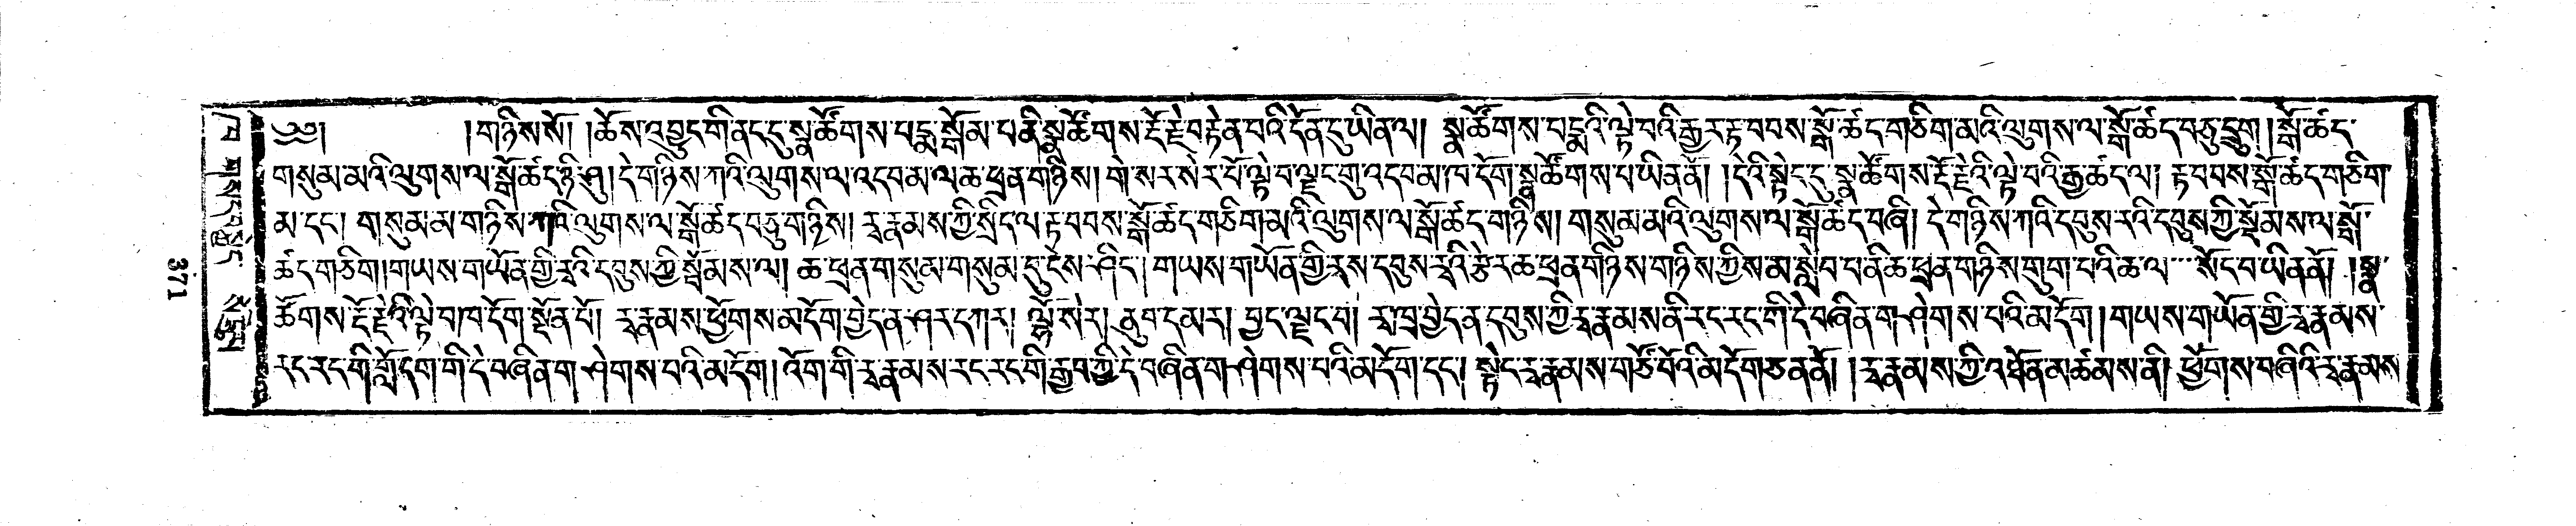༄༅། །གཉིས་སོ། །ཆོས་འབྱུང་གི་ནང་དུ་སྣ་ཚོགས་པདམ་སྒོམ་པ་ནི་སྣ་ཚོགས་རྡོ་རྗེ་བརྟེན་པའི་དོན་དུ་ཡིན་ལ། སྣ་ཚོགས་པདམའི་ལྟེ་བའི་རྒྱར་རྟ་བབས་སྒོ་ཚད་གཅིག་མའི་ལུགས་ལ་སྒོ་ཚད་བཅུ་དྲུག །སྒོ་ཚད་
གསུམ་མའི་ལུགས་ལ་སྒོ་ཚད་ཉི་ཤུ། དེ་གཉིས་ཀའི་ལུགས་ལ་འདབ་མ་ལ་ཆ་ཕྲན་གཉིས། གེ་སར་སེར་པོ་ལྟེ་བ་ལྗང་གུ་འདབ་མ་ཁ་དོག་སྣ་ཚོགས་པ་ཡིན་ནོ། །དེའི་སྟེང་དུ་སྣ་ཚོགས་རྡོ་རྗེའི་ལྟེ་བའི་རྒྱ་ཚད་ལ། རྟ་བབས་སྒོ་ཚད་གཅིག་
མ་དང་། གསུམ་མ་གཉིས་ཀའི་ལུགས་ལ་སྒོ་ཚད་བཅུ་གཉིས། རྭ་རྣམས་ཀྱི་སྲིད་ལ་རྟ་བབས་སྒོ་ཚད་གཅིག་མའི་ལུགས་ལ་སྒོ་ཚད་གཉིས། གསུམ་མའི་ལུགས་ལ་སྒོ་ཚད་བཞི། དེ་གཉིས་ཀའི་དབུས་རའི་དབུས་ཀྱི་སྦོམས་ལ་སྒོ་
ཚད་གཅིག །གཡས་གཡོན་གྱི་རྭའི་དབུས་ཀྱི་སྦོམས་ལ། ཆ་ཕྲན་གསུམ་གསུམ་དུ་ངེས་ཤིང་། གཡས་གཡོན་གྱི་རྭས་དབུས་རྭའི་རྩེར་ཆ་ཕྲན་གཉིས་གཉིས་ཀྱིས་མ་སླེབ་པ་ནི་ཆ་ཕྲན་གཉིས་གུག་པའི་ཆ་ལ་སོང་བ་ཡིན་ནོ། །སྣ་
ཚོགས་རྡོ་རྗེའི་ལྟེ་བ་ཁ་དོག་སྔོན་པོ། རྭ་རྣམས་ཕྱོགས་མདོག་བྱེད་ན་ཤར་དཀར། ལྷོ་སེར། ནུབ་དམར། བྱང་ལྗང་བ། རྭ་ཁྲ་བྱེད་ན་དབུས་ཀྱི་རྭ་རྣམས་ནི་རང་རང་གི་དེ་བཞིན་གཤེགས་པའི་མདོག །གཡས་གཡོན་གྱི་རྭ་རྣམས་
རང་རང་གི་གློ་དག་གི་དེ་བཞིན་གཤེགས་པའི་མདོག །འོག་གི་རྭ་རྣམས་རང་རང་གི་རྒྱབ་ཀྱི་དེ་བཞིན་གཤེགས་པའི་མདོག་དང་། སྟེང་རྭ་རྣམས་གཙོ་བོའི་མདོག་ཅན་ནོ། །རྭ་རྣམས་ཀྱི་འཐོན་མཚམས་ནི། ཕྱོགས་བཞིའི་རྭ་རྣམས་